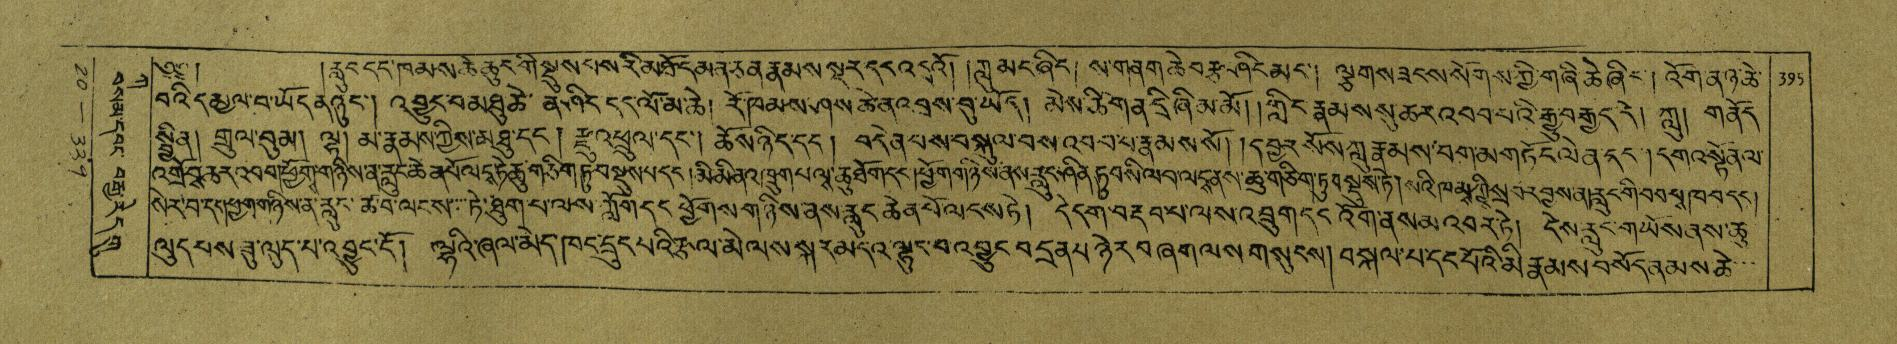༄༅། །རླུང་དང་ཁམས་ཆེ་ཆུང་གི་སྡུས་པས་རི་མཐོ་དམན་ཅན་རྣམས་སྔར་དང་འདྲའོ། །ཀླུ་མང་ཞིང་། ས་གནག་ཆེ་བ་རྩ་ཤིང་མང་། ལྕགས་ཟངས་སོགས་ཀྱི་གཞི་ཆེ་ཞིང་། འོག་ན་ཉ་ཆེ་
བའི་དམྱལ་བ་ཡོད་ན་ཉུང་། འབྱུང་བ་མཐུ་ཆེ་ན་ཤིང་དང་ལོ་མ་ཆེ། རོ་ཁམས་ཤས་ཆེ་ན་འབྲས་བུ་ཡོད། མེས་ཚིག་ན་དྲི་ཞིམ་མོ། །གླིང་རྣམས་སུ་ཆར་འབབ་པའི་རྒྱུ་བརྒྱད་དེ། ཀླུ། གནོད་
སྦྱིན། གྲུལ་བུམ། ལྷ། མ་རྣམས་ཀྱིས་མཐུ་དང་། རྫུ་འཕྲུལ་དང་། ཆོས་ཉིད་དང་། བདེན་པས་བསྐུལ་བས་འབབ་པ་རྣམས་སོ། །དབྱར་སོས་ཀླུ་རྣམས་བག་མ་གཏོང་ལེན་དང་། དགའ་སྟོན་ལ་
འགྲོ་བས་ཆར་འབབ། ཕྱོགས་གཉིས་ན་རླུང་ཆེན་པོ་ལངས་ཏེ་ཆུ་གཅིག་ཏུ་བསྡུས་པ་དང་། མི་མིན་འཁྲུག་པ་ལས་ཆུ་ཐོག་དང་། ཕྱོག་གཉིས་ནས་རླུང་ཤིན་ཏུ་བསིལ་བ་ལངས་ནས་ཆུ་གཅིག་ཏུ་བསྡུས་ཏེ། སའི་ཁམས་ཀྱིས་སྲ་བར་བྱས་ན། རླུང་གི་བབ་པས་ཁ་བ་དང་།
སེར་བ་དང་། ཕྱོགས་གཉིས་ན་རླུང་ཚ་བ་ལངས་ཏེ་ཐུག་པ་ལས་ཀློག་དང་ཕྱོགས་གཉིས་ནས་རླུང་ཆེན་པོ་ལངས་ཏེ། དེ་དག་བརྡབ་པ་ལས་འབྲུག་དང་འོག་ནས་མེ་འབར་ཏེ། དེས་རླུང་གཡོས་ནས་ཆུ་
ལུད་པས་ཟུ་ལུད་པ་འབྱུང་ངོ། །ལྷའི་ཞལ་མེད་ཁང་དྲུང་པའི་རྩལ་མེ་ལས་སྐར་མདའ་ལྷུང་བ་འབྱུང་བ་དྲན་པ་ཉེར་བཞག་ལས་གསུངས། བསྐལ་པ་དང་པོའི་མི་རྣམས་བསོད་ནམས་ཆེ་